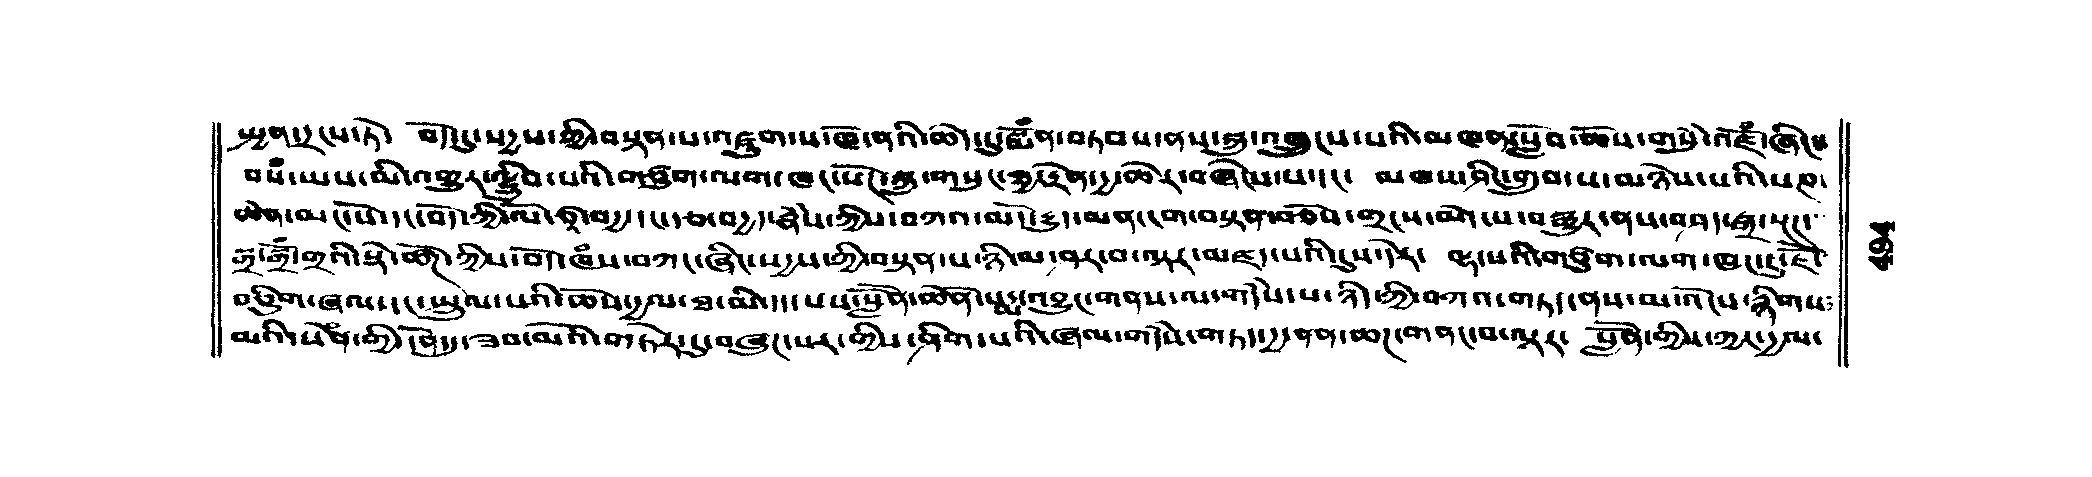སྤྱན་དྲངས་ཏེ། བོད་དུ་སངས་རྒྱས་ཀྱི་བསྟན་པ་འཛུག་པ་ཁོ་ནའི་ཆེད་དུ་སྨོན་ལམ་བཏབ་ནས་སྐུ་འཁྲུངས་པའི་མཁན་སློབ་ཆོས་གསུམ་འཛོམ་ཞིང་
བསམ་ཡས་མི་འགྱུར་ལྷུན་གྱིས་གྲུབ་པའི་གཙུག་ལག་ཁང་སོགས་སྐུ་གསུང་ཐུགས་རྟེན་རྒྱ་ཆེར་བཞེངས་པ་དང་། མཁས་ཤིང་གྲུབ་པ་བརྙེས་པའི་པཎ
ཆེན་མང་པོ་དང་བོད་ཀྱི་ལོ་ཙཱ་བརྒྱ་དང་རྩ་བརྒྱད་རྣམས་ཀྱིས་བཀའ་མདོ་རྒྱུད་མན་ངག་བསྟན་བཅོས་གྲངས་མེད་པ་བསྒྱུར་ནས་བཤད་གྲྭ་སྔགས་
གྲྭ་སྒོམ་གྲྭའི་སྡེ་ཚོགས་ཀྱིས་བོད་ཁམས་བཀང་ཞིང་སངས་རྒྱས་ཀྱི་བསྟན་པ་ཉི་མ་ཤར་བ་ལྟར་མཛད་པའི་དུས་དེར། ལྷ་སའི་གཙུག་ལག་ཁང་དུ་ཇོ་བོ་
བཅུ་གཅིག་ཞལ་དང་སྤྲུལ་པའི་ཆོས་རྒྱལ་ཐ་མི་དད་པའི་སློབ་དཔོན་ཆེན་པོ་པདྨ་འབྱུང་གནས་ལ་གདམས་པ་ཉིད་ཀྱི་བཀའ་གཏད་ནས་མ་འོངས་སྙིགས་
མའི་སེམས་ཅན་གྱི་དོན་དུ་ཟབ་མོའི་གཏེར་དུ་བཞུགས་པར་གྱིས་ཤིག་པའི་ཞལ་གདམས་གཏད་རྒྱ་ནན་ཆགས་གནང་བ་ལྟར། སློབ་དཔོན་གྱིས་ཀྱང་རྒྱལ་